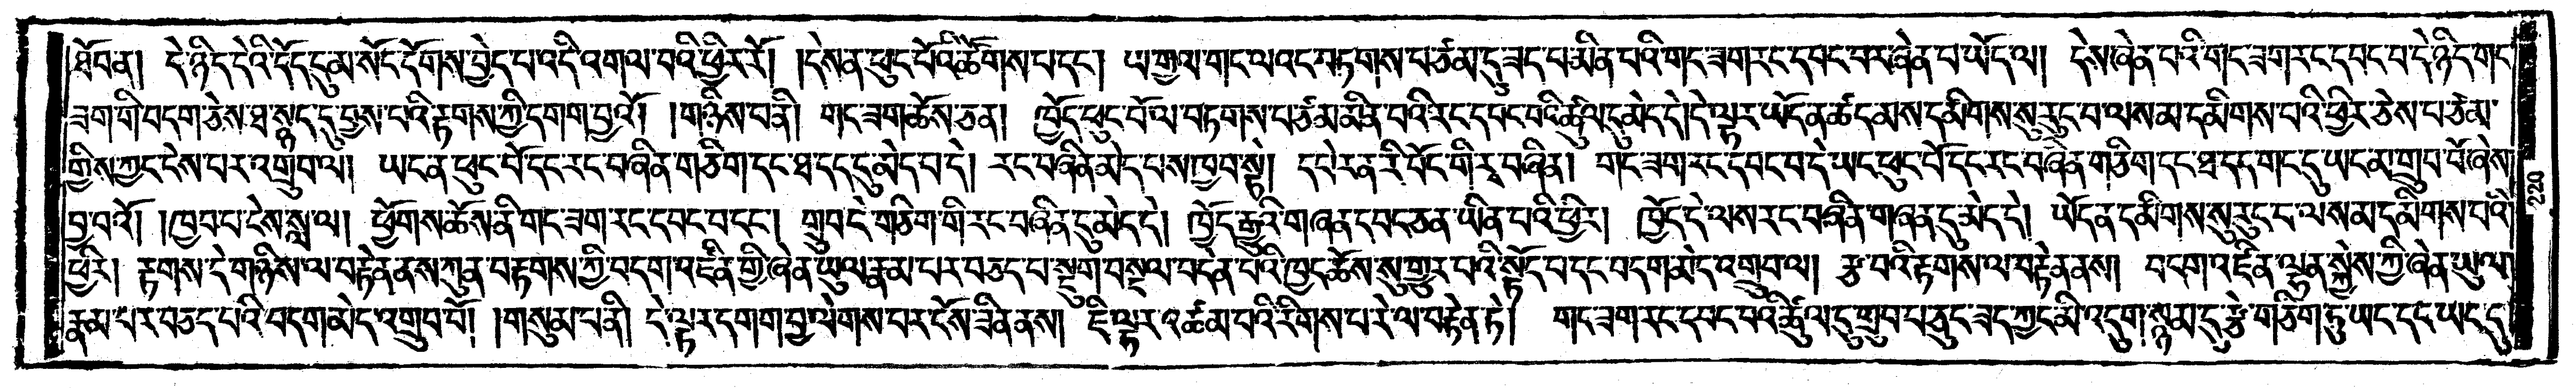ཐོབ་ན། དེ་ཉིད་དེའི་དོད་དུ་མ་སོང་དོགས་བྱེད་པ་འདི་འགལ་བའི་ཕྱིར་རོ། །དེས་ན་ཕུང་པོའི་ཚོགས་པ་དང་། ཡ་གྱལ་གང་ལའང་བཏགས་པ་ཙམ་དུ་ཟད་པ་མིན་པའི་གང་ཟག་རང་དབང་བར་ཞེན་པ་ཡོད་ལ། དེས་ཞེན་པའི་གང་ཟག་རང་དབང་བ་དེ་ཉིད་གང་
ཟག་གི་བདག་ཅེས་ཐ་སྙད་དུ་བྱས་པའི་རྟགས་ཀྱི་དགག་བྱའོ། །གཉིས་པ་ནི། གང་ཟག་ཆོས་ཅན། ཁྱོད་ཕུང་པོ་ལ་བཏགས་པ་ཙམ་མིན་པའི་རང་དབང་བའི་ཚུལ་དུ་མེད་དེ། དེ་ལྟར་ཡོད་ན་ཚད་མས་དམིགས་སུ་རུང་བ་ལས་མ་དམིགས་པའི་ཕྱིར་ཅེས་པ་ཙམ་
གྱིས་ཀྱང་ངེས་པར་འགྲུབ་ལ། ཡང་ན་ཕུང་པོ་དང་རང་བཞིན་གཅིག་དང་ཐ་དད་དུ་མེད་པ་དེ། རང་བཞིན་མེད་པས་ཁྱབ་སྟེ། དཔེར་ན་རི་བོང་གི་རྭ་བཞིན། གང་ཟག་རང་དབང་བ་དེ་ཡང་ཕུང་པོ་དང་རང་བཞིན་གཅིག་དང་ཐ་དད་གང་དུ་ཡང་མ་གྲུབ་བོ་ཞེས་
བྱ་བའོ། །ཁྱབ་པ་ངེས་སླ་ལ། ཕྱོགས་ཆོས་ནི་གང་ཟག་རང་དབང་བ་དང་། གྲུབ་དེ་གཅིག་གི་རང་བཞིན་དུ་མེད་དེ། ཁྱོད་རྒྱུའི་གཞན་དབང་ཅན་ཡིན་པའི་ཕྱིར། ཁྱོད་དེ་ལས་རང་བཞིན་གཞན་དུ་མེད་དེ། ཡོད་ན་དམིགས་སུ་རུང་བ་ལས་མ་དམིགས་པའི་
ཕྱིར། རྟགས་དེ་གཉིས་ལ་བརྟེན་ནས་ཀུན་བརྟགས་ཀྱི་བདག་འཛིན་གྱི་ཞེན་ཡུལ་རྣམ་པར་བཅད་པ་སྡུག་བསྔལ་བདེན་པའི་ཁྱད་ཆོས་སུ་གྱུར་པའི་སྟོང་པ་དང་བདག་མེད་འགྲུབ་ལ། རྩ་བའི་རྟགས་ལ་བརྟེན་ནས། བདག་འཛིན་ལྷན་སྐྱེས་ཀྱི་ཞེན་ཡུལ་
རྣམ་པར་བཅད་པའི་བདག་མེད་འགྲུབ་བོ། །གསུམ་པ་ནི། དེ་ལྟར་དགག་བྱ་ལེགས་པར་ངོས་ཟིན་ནས། ཇི་ལྟར་འཚམ་པའི་རིགས་པ་རེ་ལ་བརྟེན་ཏེ། གང་ཟག་རང་དབང་བའི་ཚུལ་དུ་གྲུབ་པ་ཅུང་ཟད་ཀྱང་མི་འདུག་སྙམ་དུ་རྩེ་གཅིག་ཏུ་ཡང་དང་ཡང་དུ་